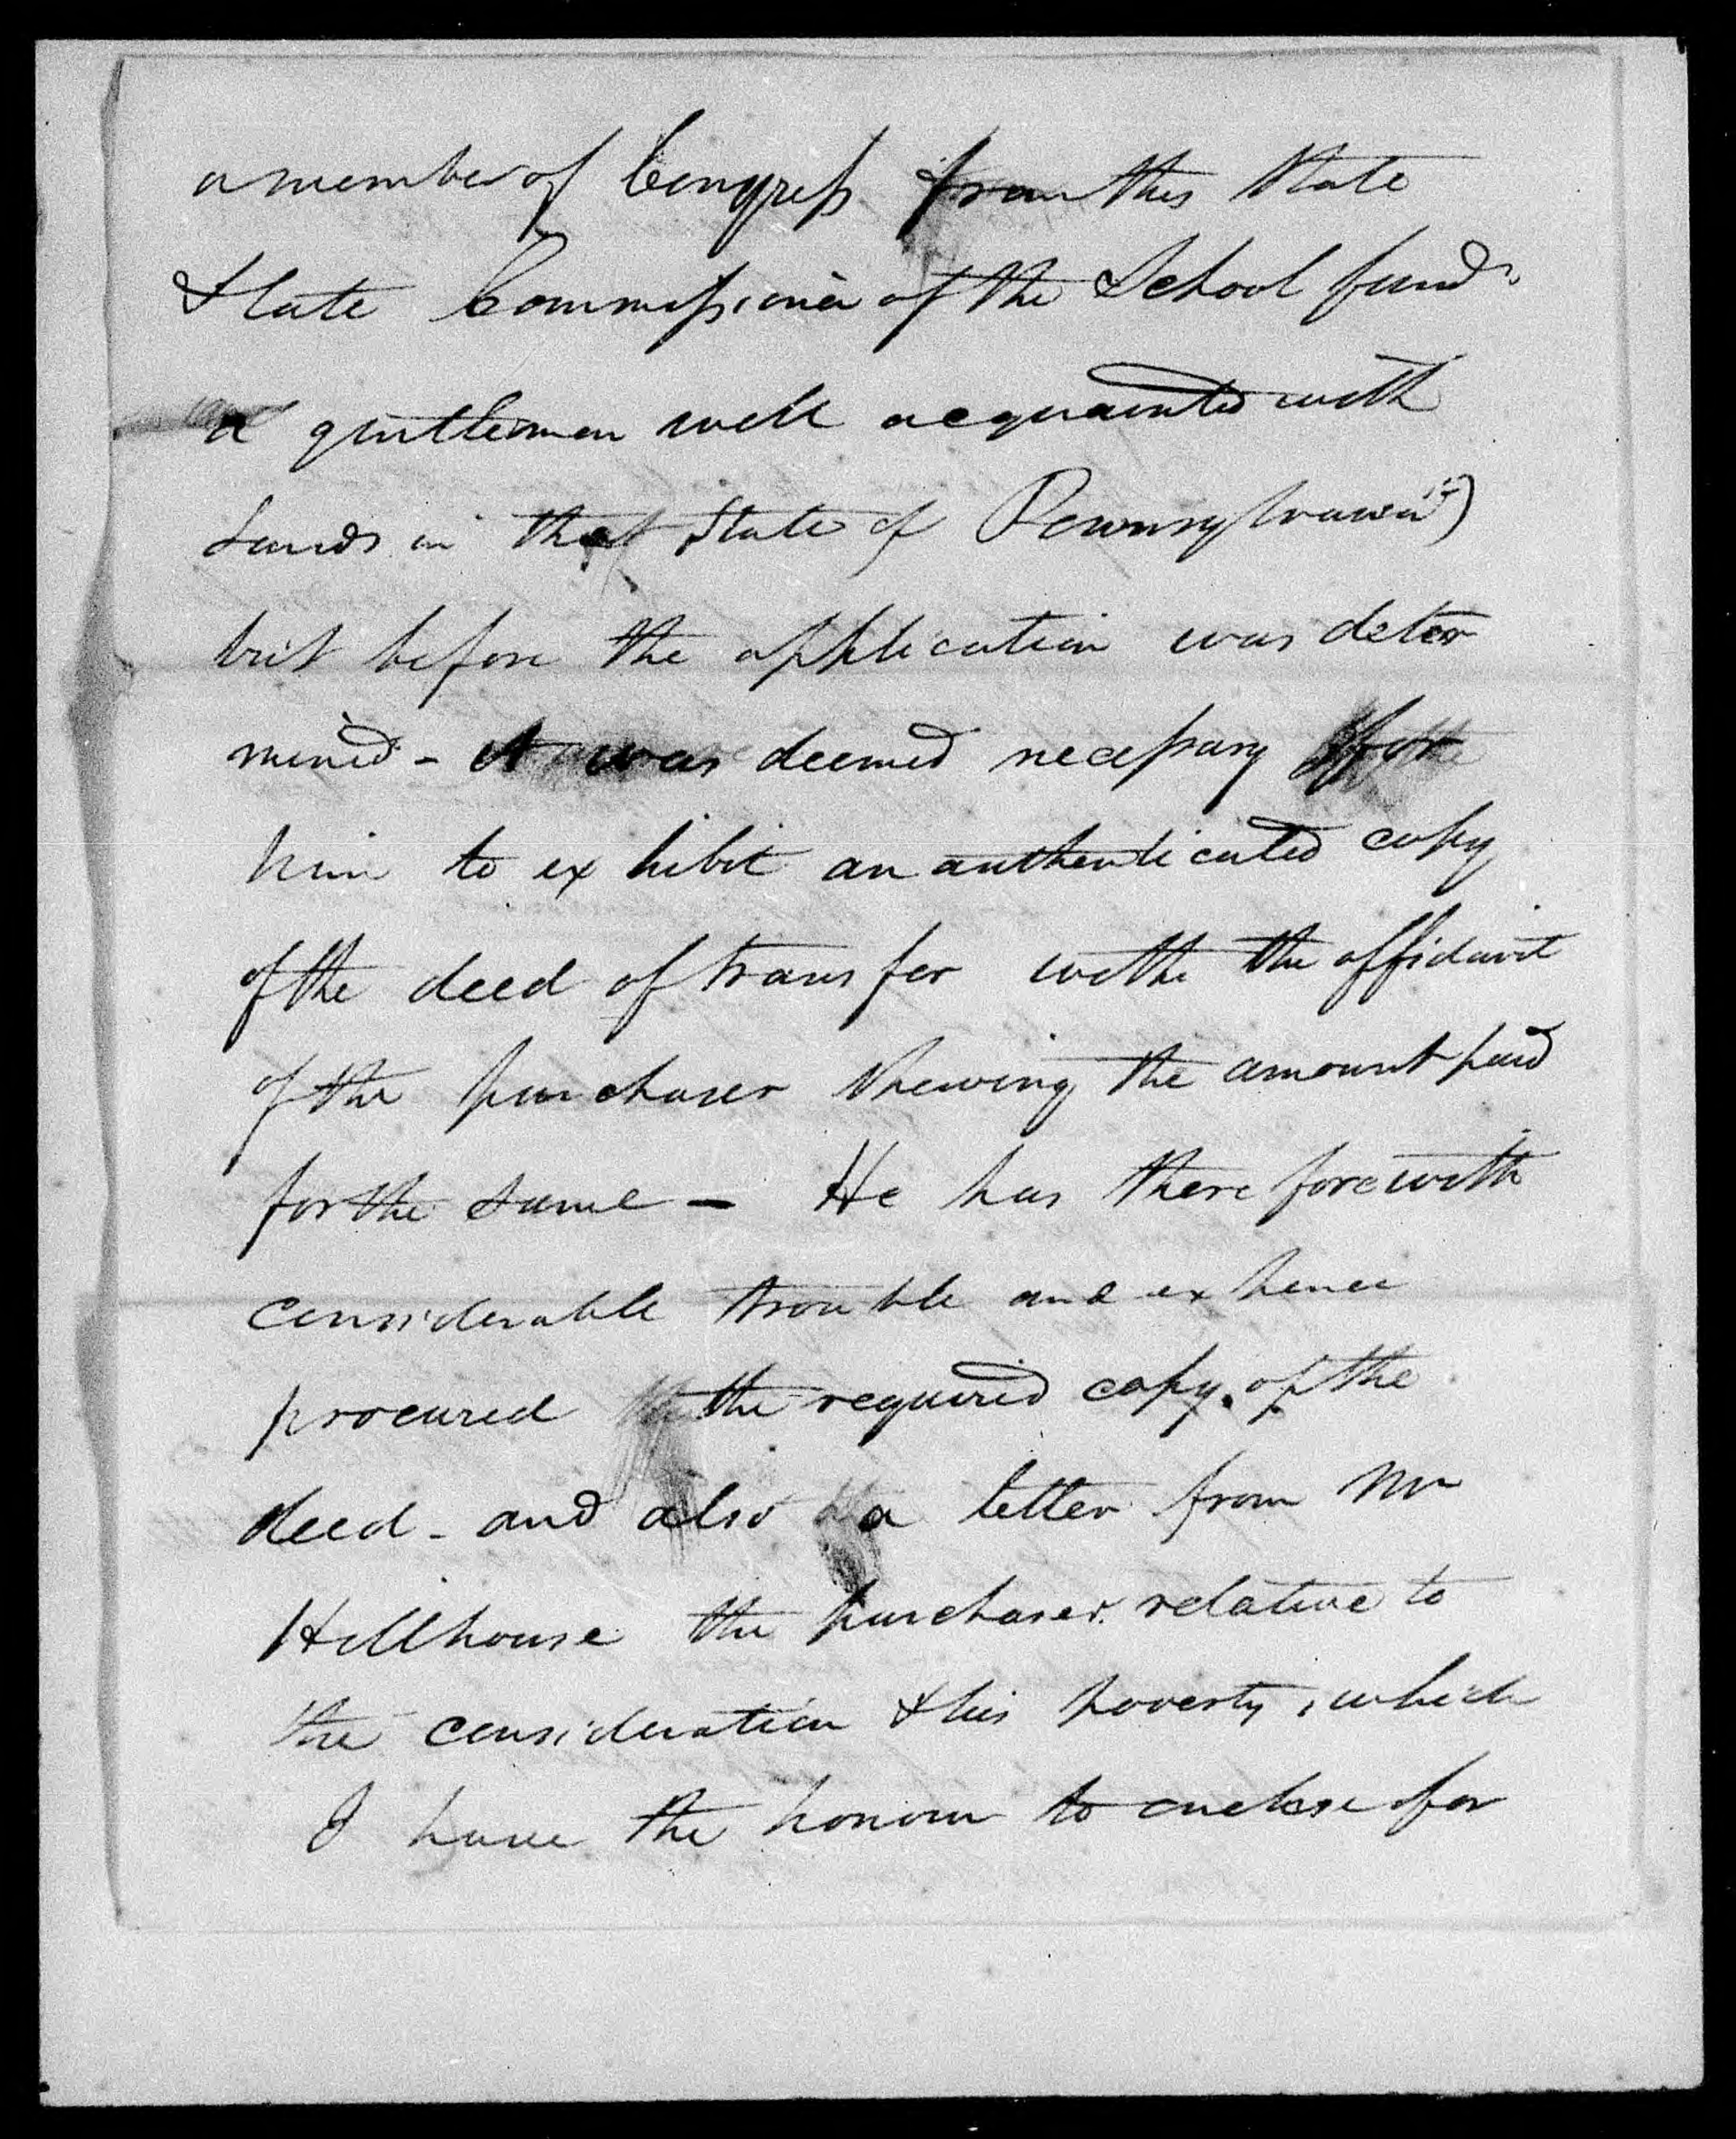a member of Congress from the State Commissioner of the school found a gentleman well acquainted with lands in that state of Pennsylvania) but before the application was determined, it was deemed necessary from him to exhibit an authenticated copy of the deed of transfer for with the affidavit of the purchase having the amount paid for the same. He has therefore with considerable trouble and expense procured the required copy of the deed, and also a letter from Mr. Hillhouse the purchaser relative to the consideration & his poverty, which I have the honor to enclose for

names: Hillhouse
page: 36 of 46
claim: survivor's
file: S. 36,556, Ichabod Goodrich, Conn.